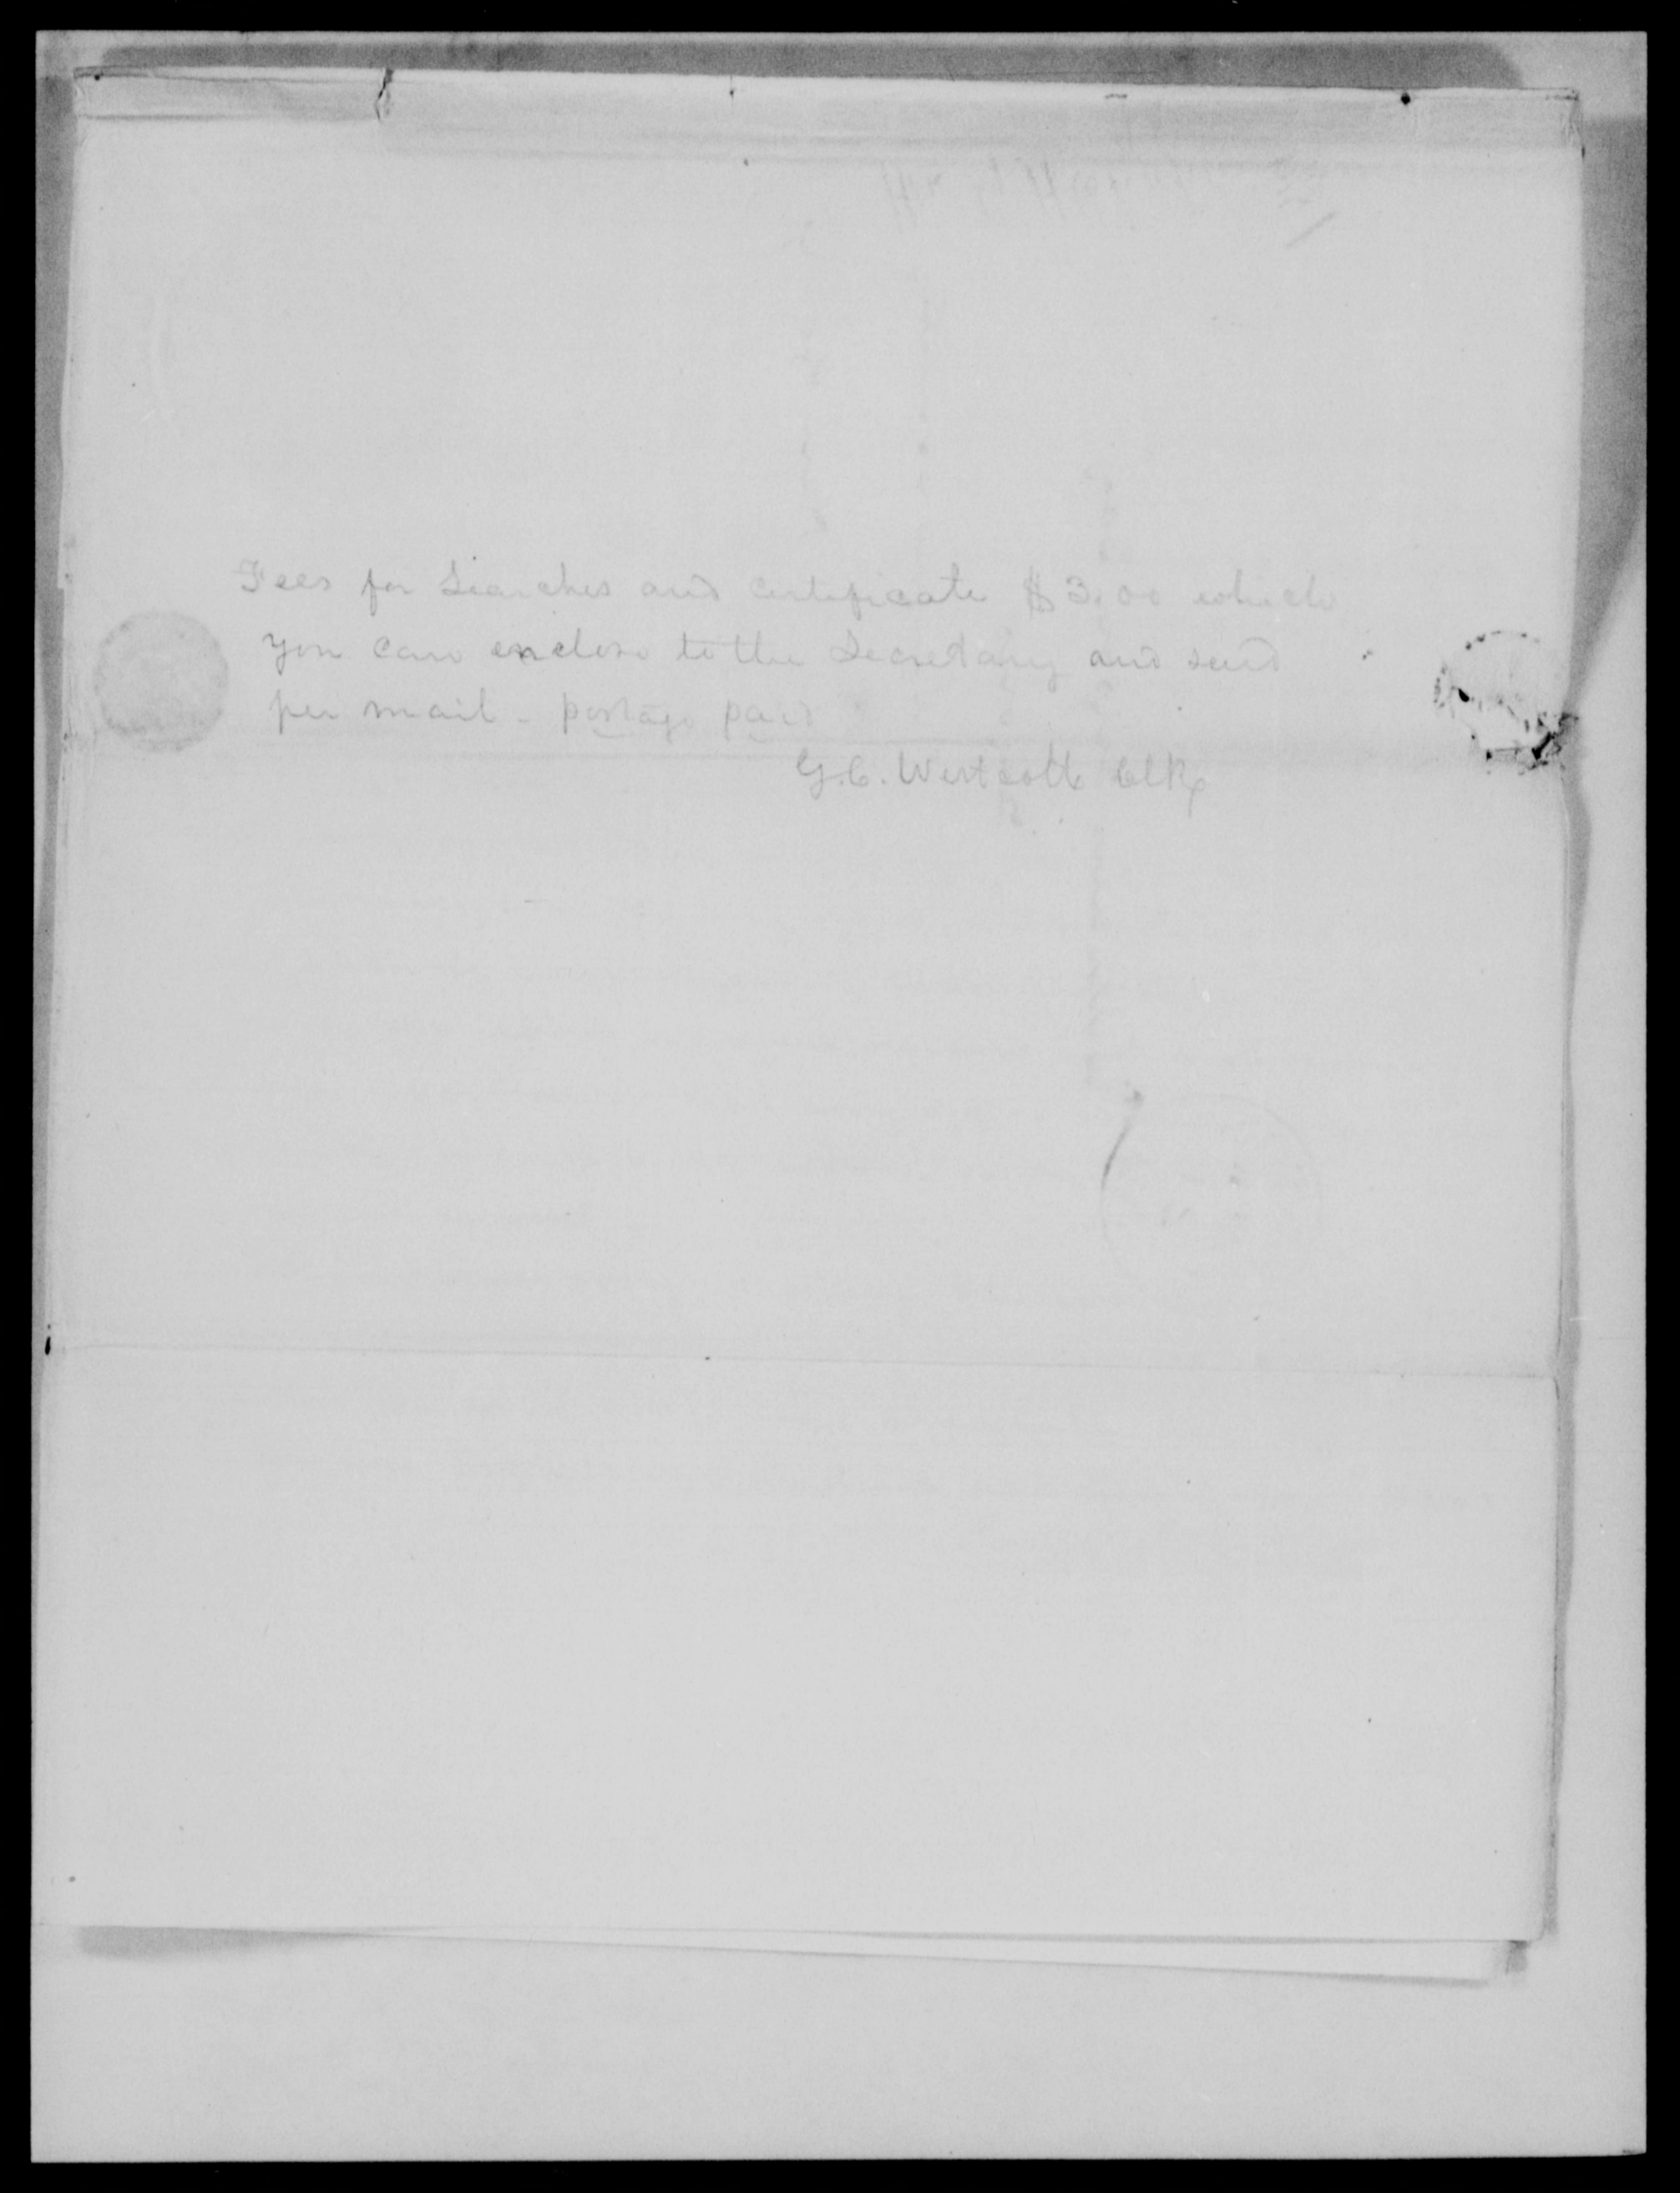Fees for services and certificate $3.00 which you can enclose to the Secretary and said fees per mail.  Postage Paid.

G. C. Westcott  [seal]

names: G C Westcott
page: 66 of 66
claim: widow's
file: W. 19588, William Walling, New Jersey